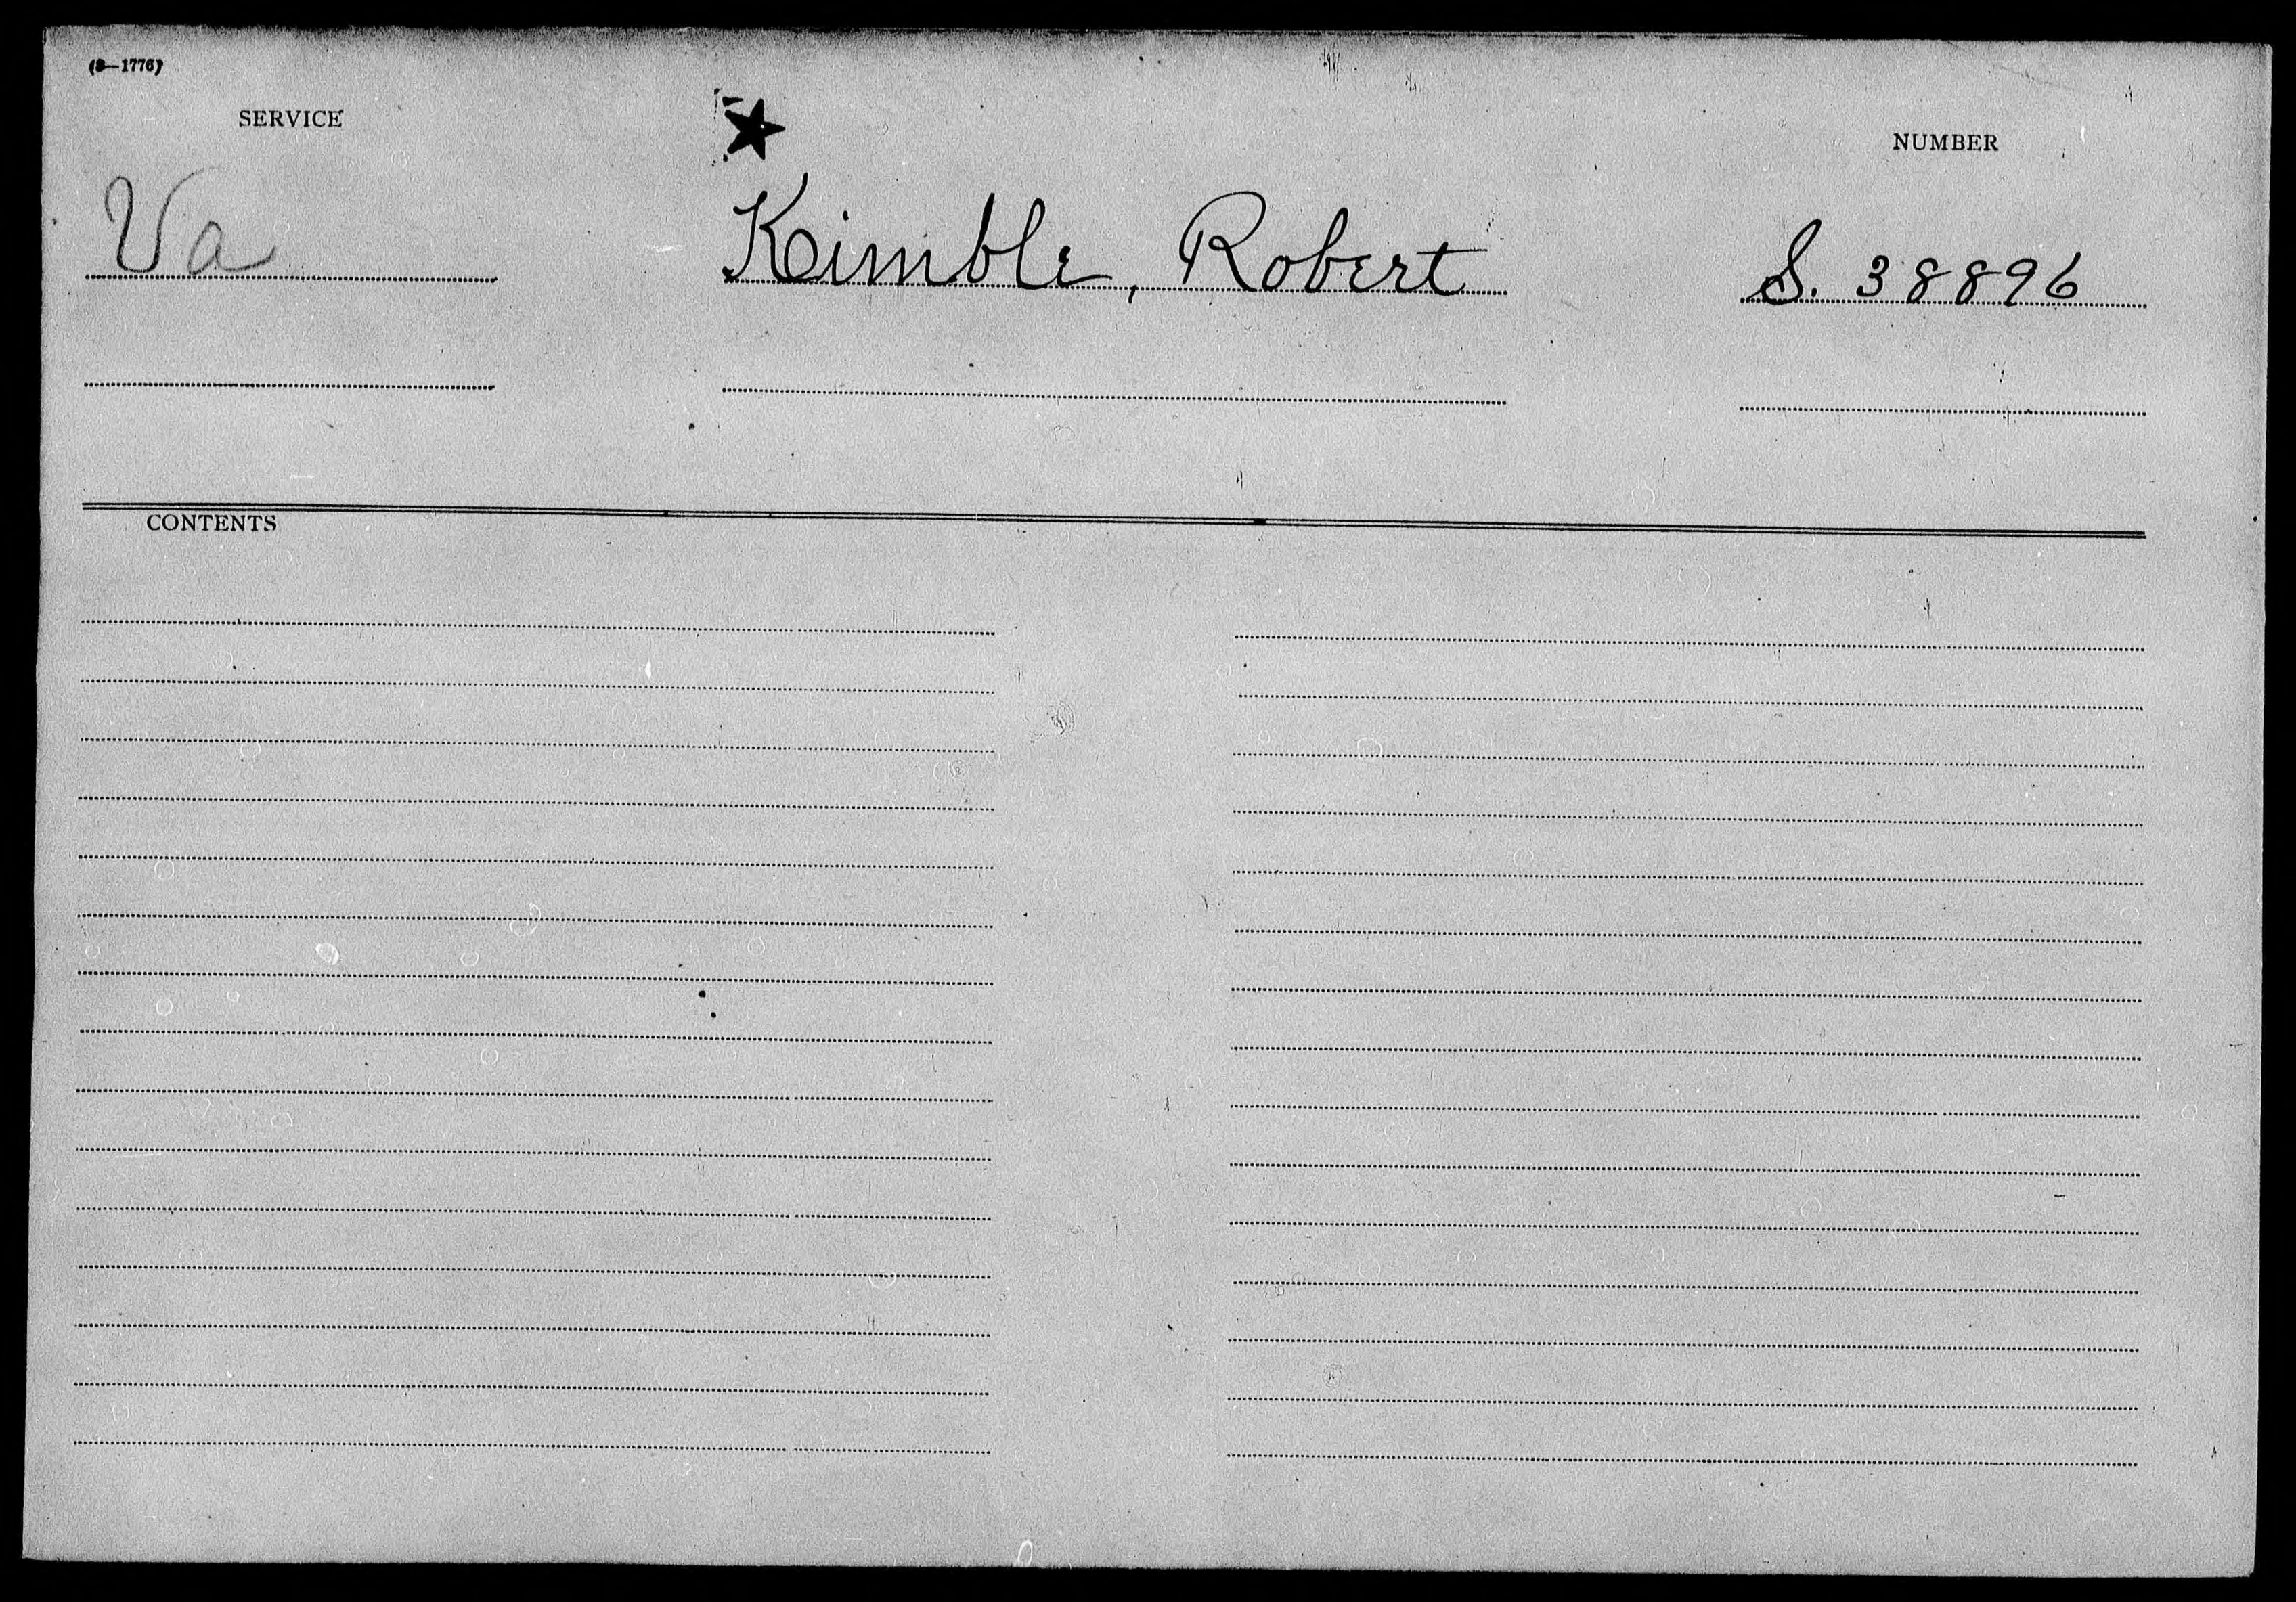SERVICE NUMBER
Va Kimble, Robert S. 38896

CONTENTS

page: 1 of 9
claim: survivor's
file: S. 38896, for Robert Kimble, Virginia